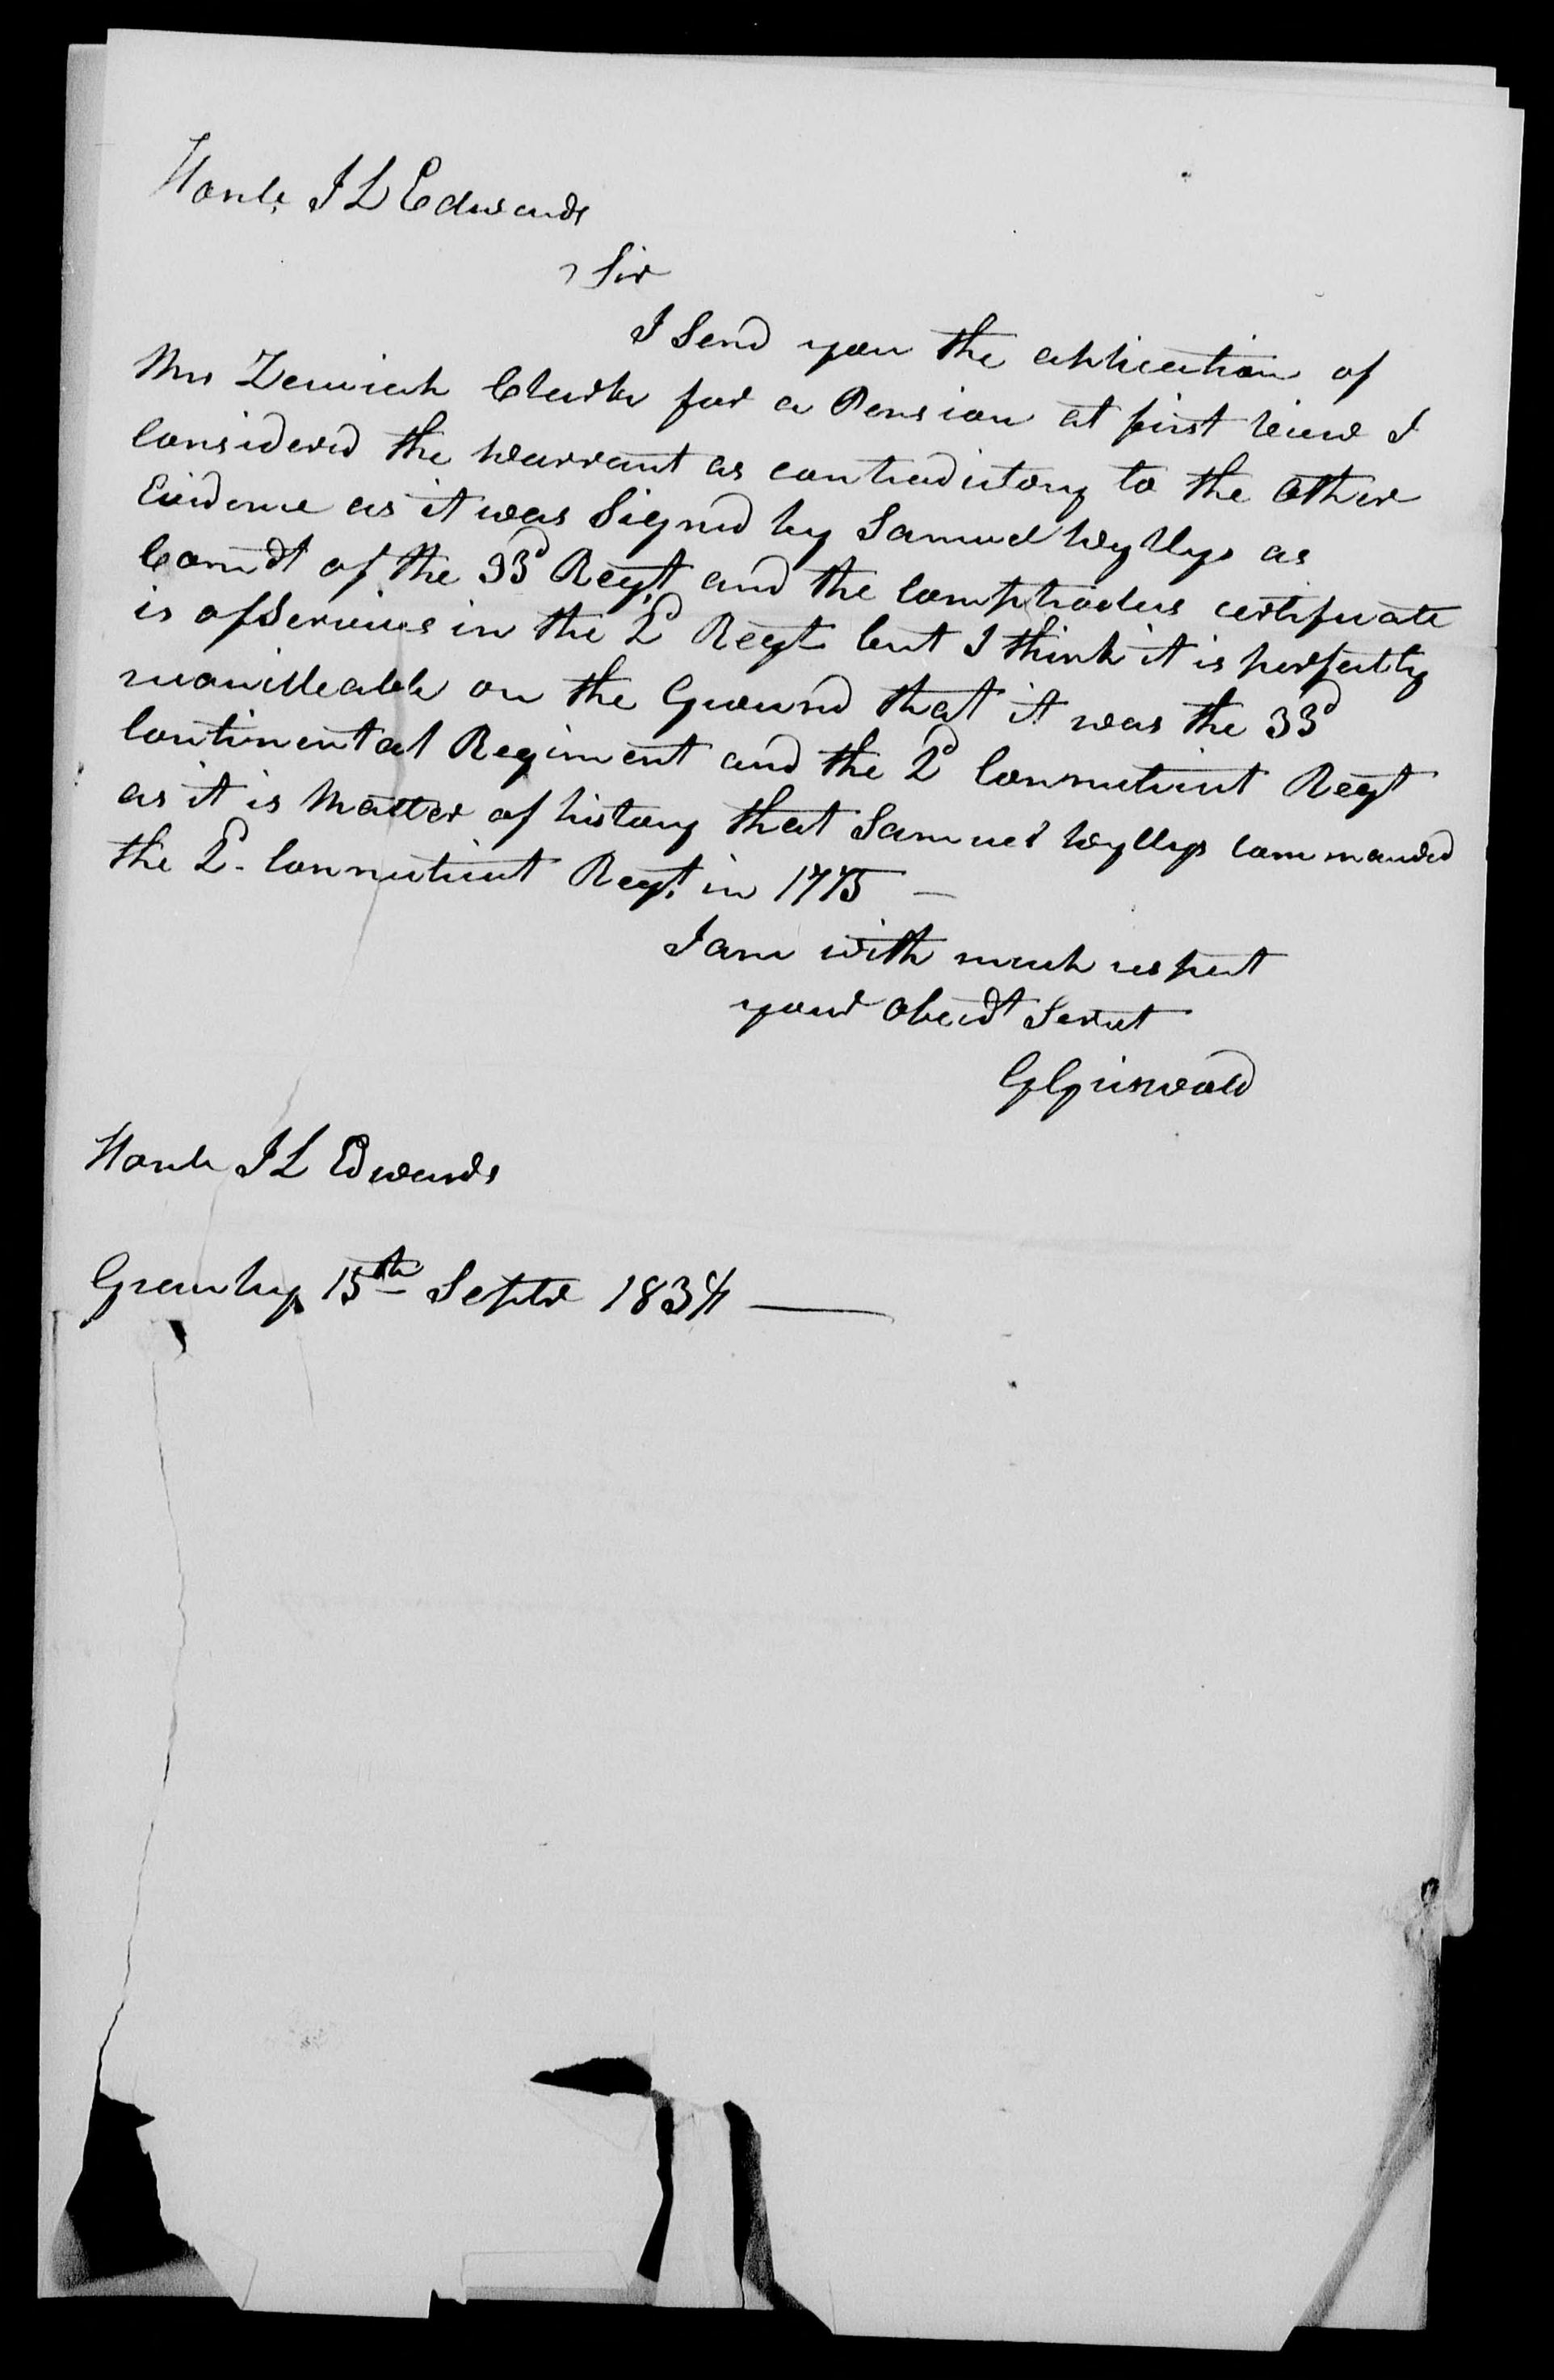[handwritten]
Honle J L Edwards
Sir
I Send you the application of Mrs Zeruiah Clark for a Pension  at first review I considered the warrant as contradictory to the other Evidence as is was Signed by Samuel Wyllys as Comdt of the 33d Regt and the Comptrollers certificate is of Service in the 2d Regt but I think it is perfectly reconcilable on the Ground that it was the 33d Continental Regiment and the 2d Connecticut Regt as it is a Matter of history that Samuel Wyllys Commanded the 2d Connecticut Regt in 1775
I am with much respect your Obedt Servt
[signed] G Griswold
Honb J L Edwards
Granby 15th Septer 1838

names: G Griswold, J L Edwards, Samuel Wyllys, J L Edwards, Samuel Wyllys, Zeruiah Clark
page: 11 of 26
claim: widow's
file: W. 14483, Reuben Clark, Conn.